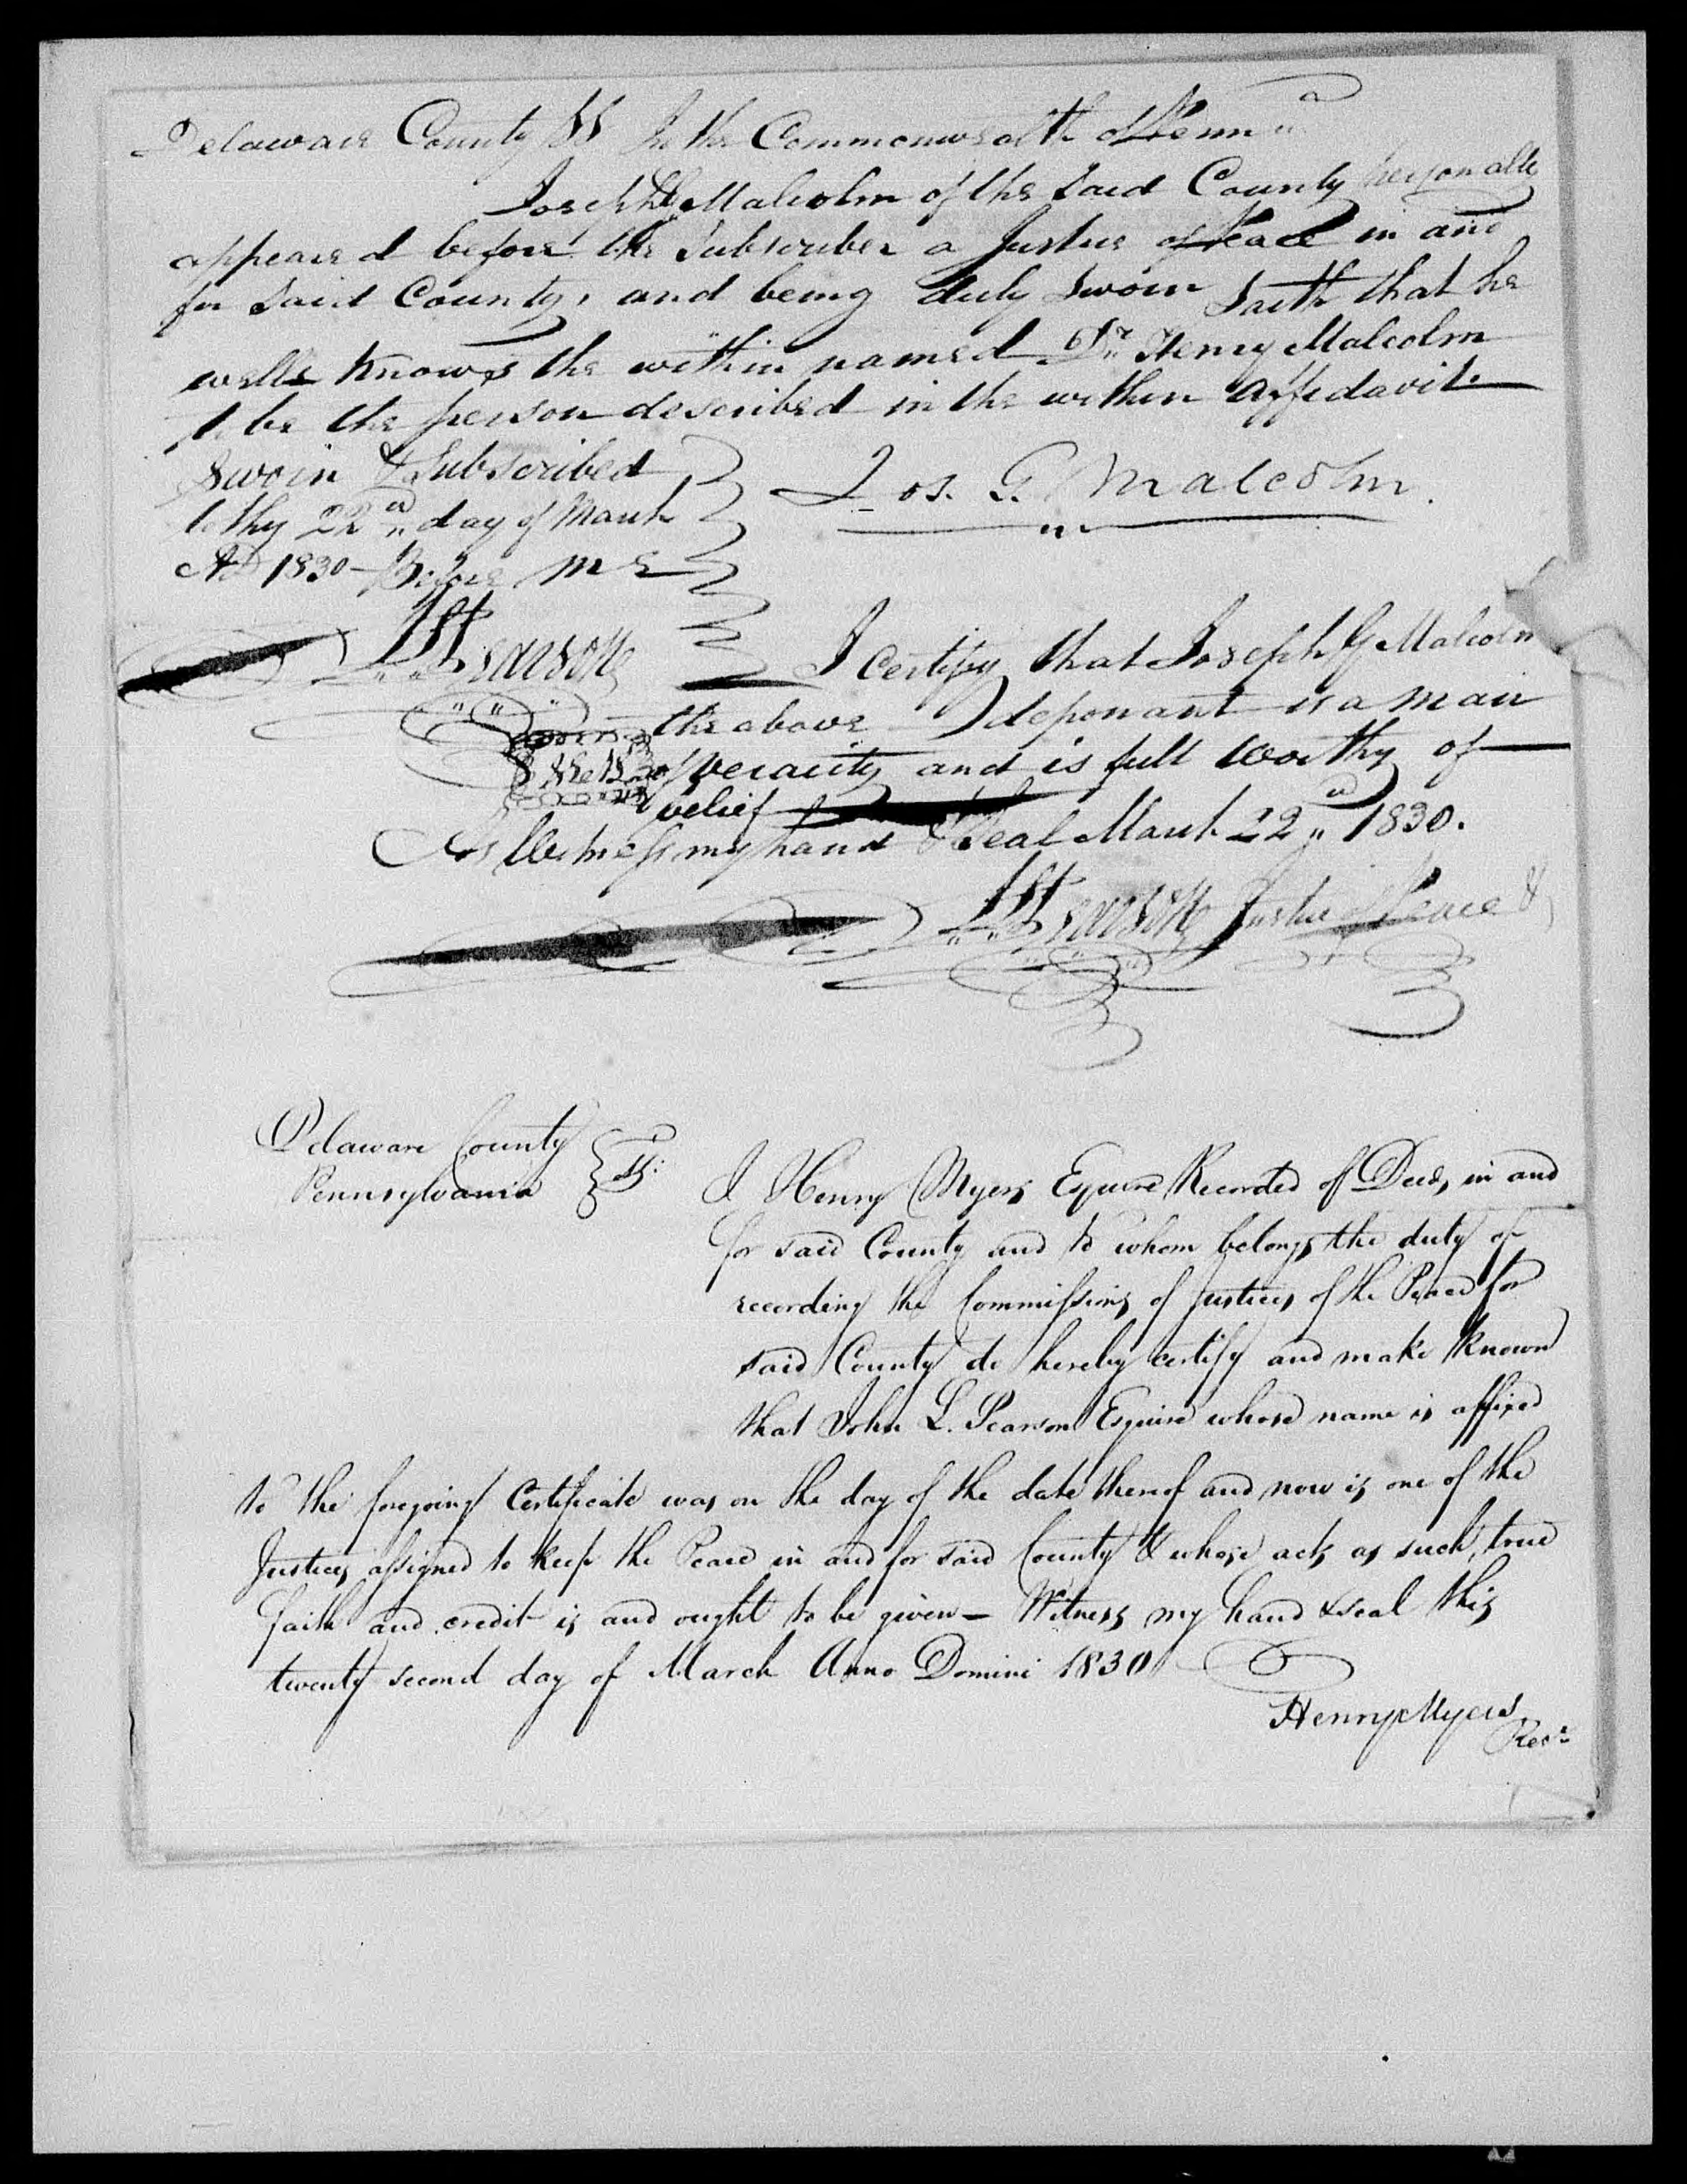Delaware County ss In the Commonwealth of Penna. 
Joseph G Malcolm of the said County personally appeared before the Subscriber a Justice of Peace in and for said County, and being duly Sworn Saith that he well knows the within named Dr. Henry Malcolm to be the person described in the within affidavit.
Jos. G. Malcolm
Sworn & Subscribed to the 2d day of March AD 1830 before me}
J. L. Pearson

I certify that Joseph G Malcolm the above deponant [deponent] is a man of veracity and is full worthy of belief
As Witness my hand & Seal March 22d 1830
J. L. Pearson Justice of Peace &

Delaware County}
Pennsylvania} ss:
I Henry Myers Esquire Recorder of Deeds in and for said County and to whom belongs the duty of recording the Commission of Justices of the Peace for said County do hereby certify and make known that John L. Pearson Esquire whose name is affixed to the foregoing certificate was on the day of the date thereof and now is one of the Justices assigned to keep the Peace in and for said County & whose acts as such, true faith and credit is and ought to be given. Witness my hand & seal this twenty second day of March Anno Domini 1830
Henry Myers Recr [Recorder]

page: 28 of 28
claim: survivor's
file: S. 5,048, for Henry Malcolm